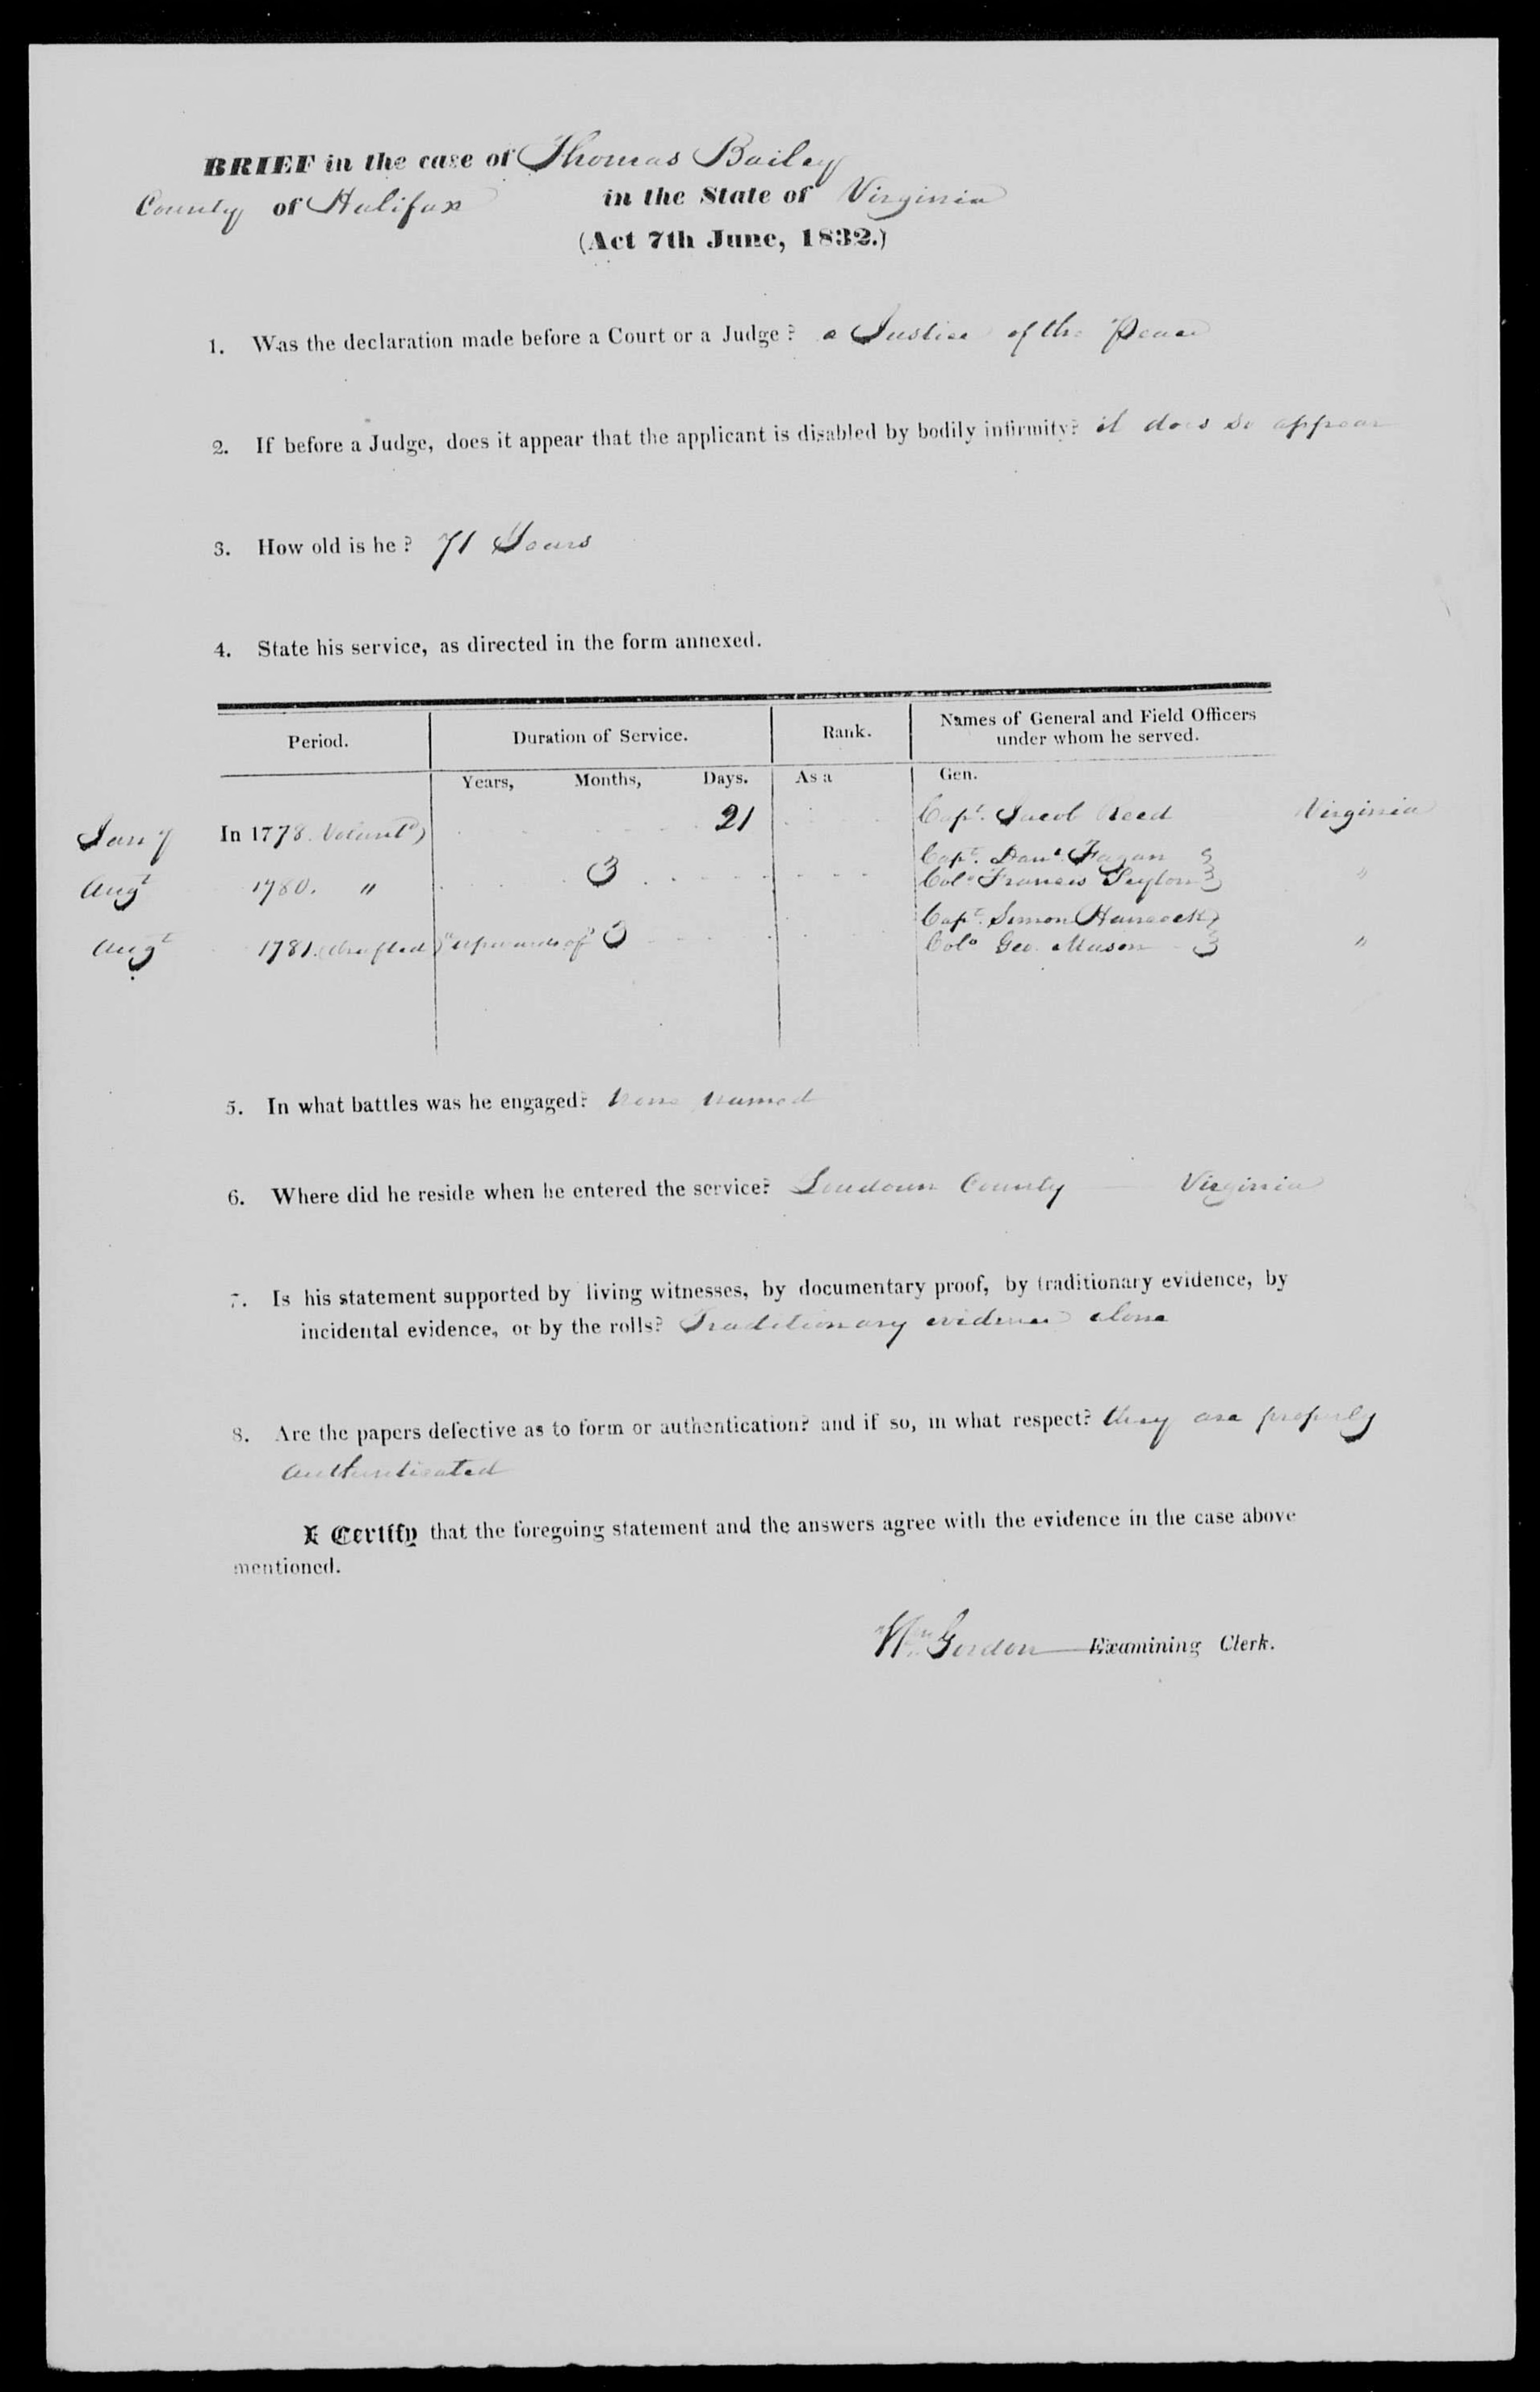BRIEF in the case of Thomas Bailey
County of Halifax in the State of Virginia
(Act 7th June, 1832.)

1.   Was the declaration made before a Court or a Judge?  a Justice of the Peace
2.   If before a Judge, does it appear that the applicant is disabled by bodily infirmity?  it does so appear
3.   How old is he?  71 years
4.   State his service, as directed in the form annexed.

Period.           Duration of Service.       Rank.         Names of General and Field Officers
                                                                                  under whom he served.
                       Years, Months, Days.     As a             Gen.
Jany In 1778                                21                          Capt. Jacob Reed                    Virginia
Aug 1780                      3                                           Capt. Danl Fagan
                                                                                  Col. Francis Peyton
Aug 1781 
     drafted "upwards"    3                                           Capt. Simon Hancock
                                                                                    Col. Geo Mason

5.   In what battles was he engaged? none named
6.   Where did he reside when he entered the service? Loudoun County Virginia
7.   Is his statement supported by living witnesses, by documentary proof, by traditionary evidence, by 
      incidental evidence, or by the rolls?  Traditionary evidence alone
8.   Are the papers defective as to form or authentication? and if so, in what respect?  they are properly
      authenticated

I Certify that the foregoing statement and the answers agree with the evidence in the case above
mentioned.
Wm. Gordon   Examining Clerk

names: Jacob Reed, Thomas Bailey, Danl Fagan, Wm Gordon, Francis Peyton, Simon Hancock, Geo Mason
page: 4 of 18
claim: survivor's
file: S. 6578, Thomas Bailey, Va.